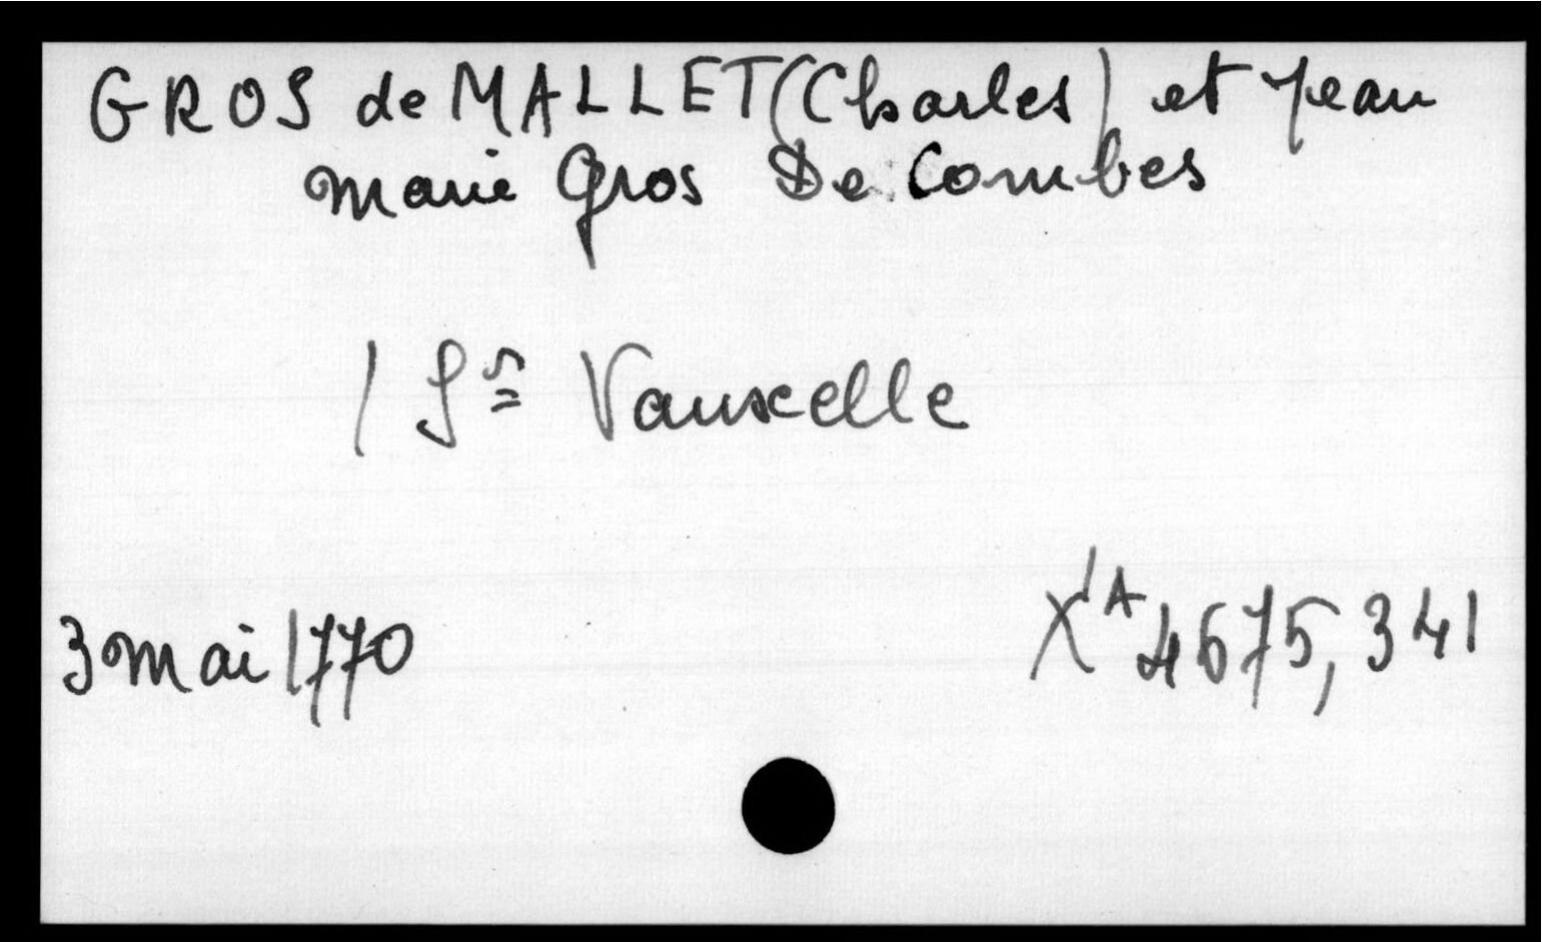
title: GROS de MALLET (Charles) et Jean-Marie Gros De Combes
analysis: Contre Sieur Vauscelle
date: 3 mai 1770
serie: X1A
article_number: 4675
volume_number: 341
